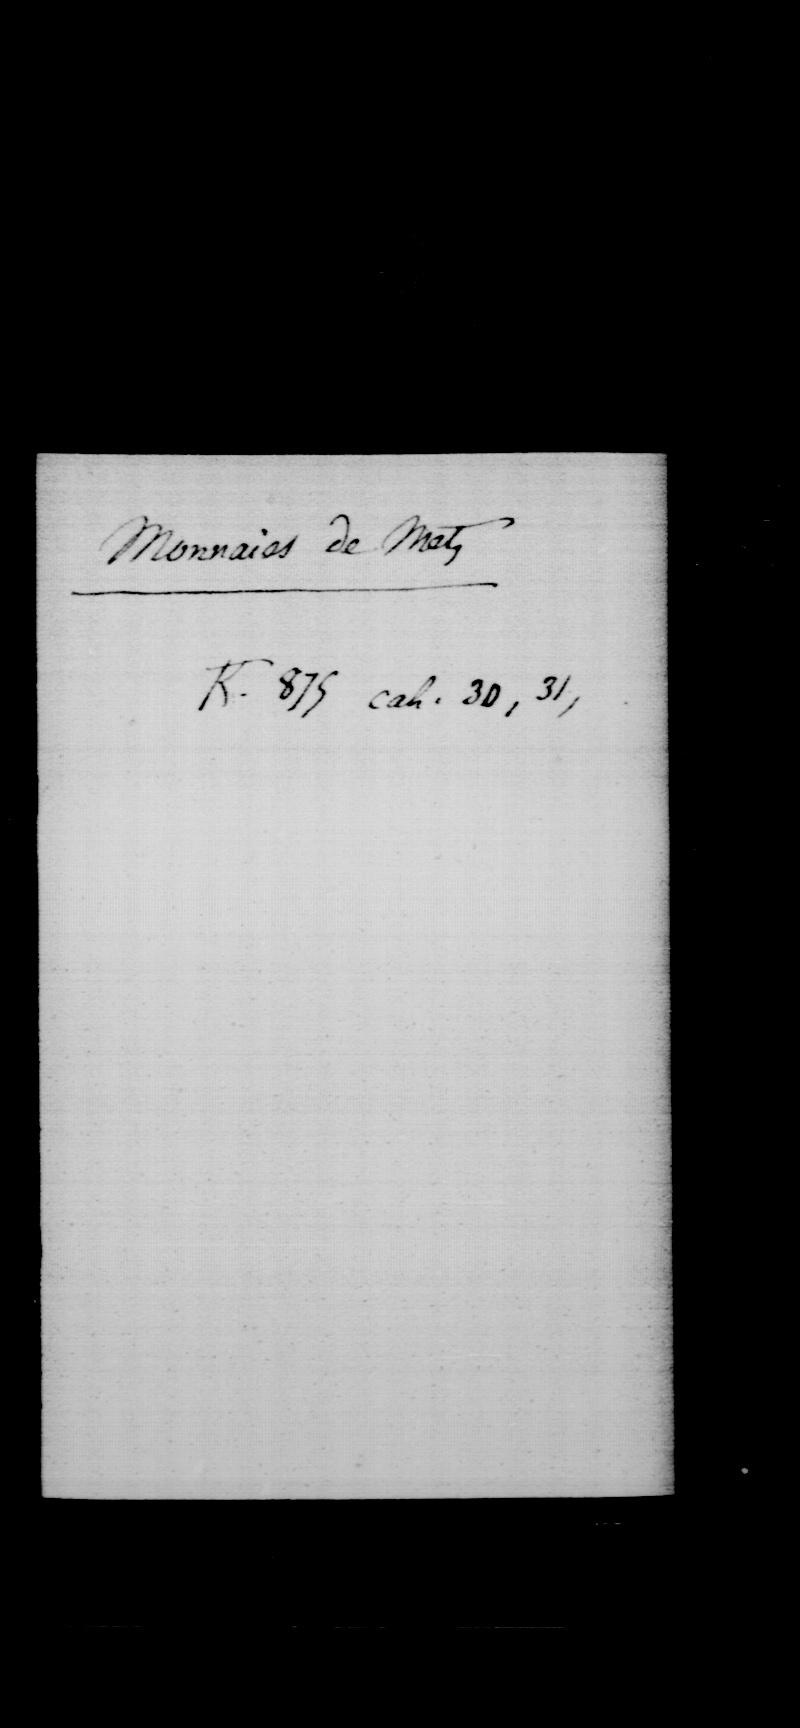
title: Monnaies de Metz
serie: K
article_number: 875
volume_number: cahiers 30, 31
